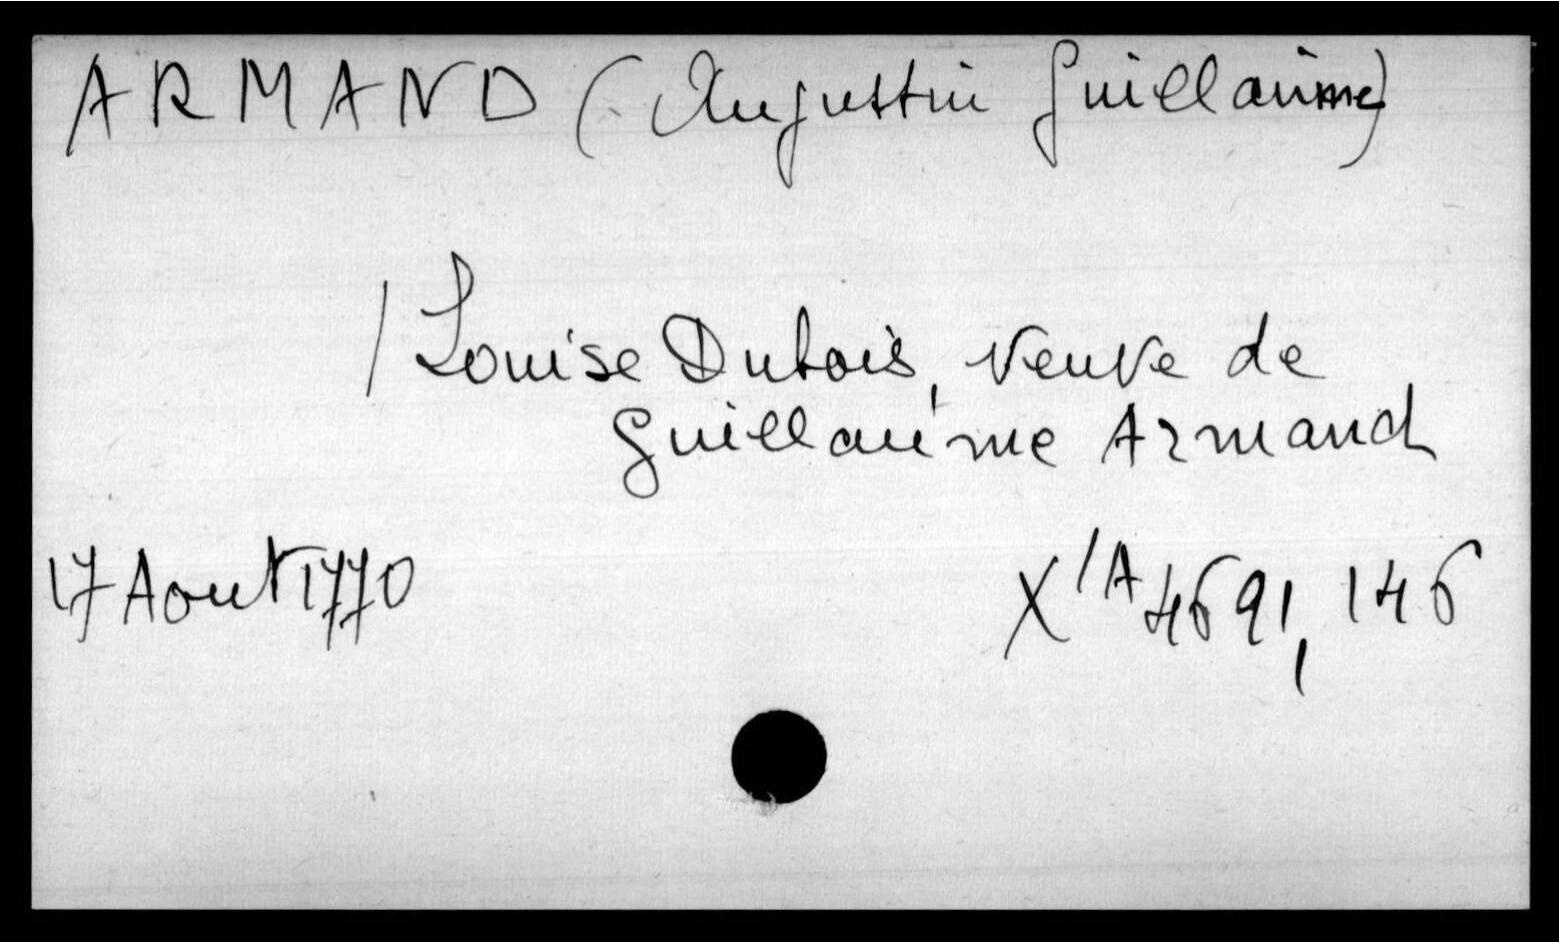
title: ARMAND (Augustin Guillaume)
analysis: Contre Louise Dubois veuve de Guillaume Armand
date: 17 août 1770
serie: X1A
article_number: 4691
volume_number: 146
